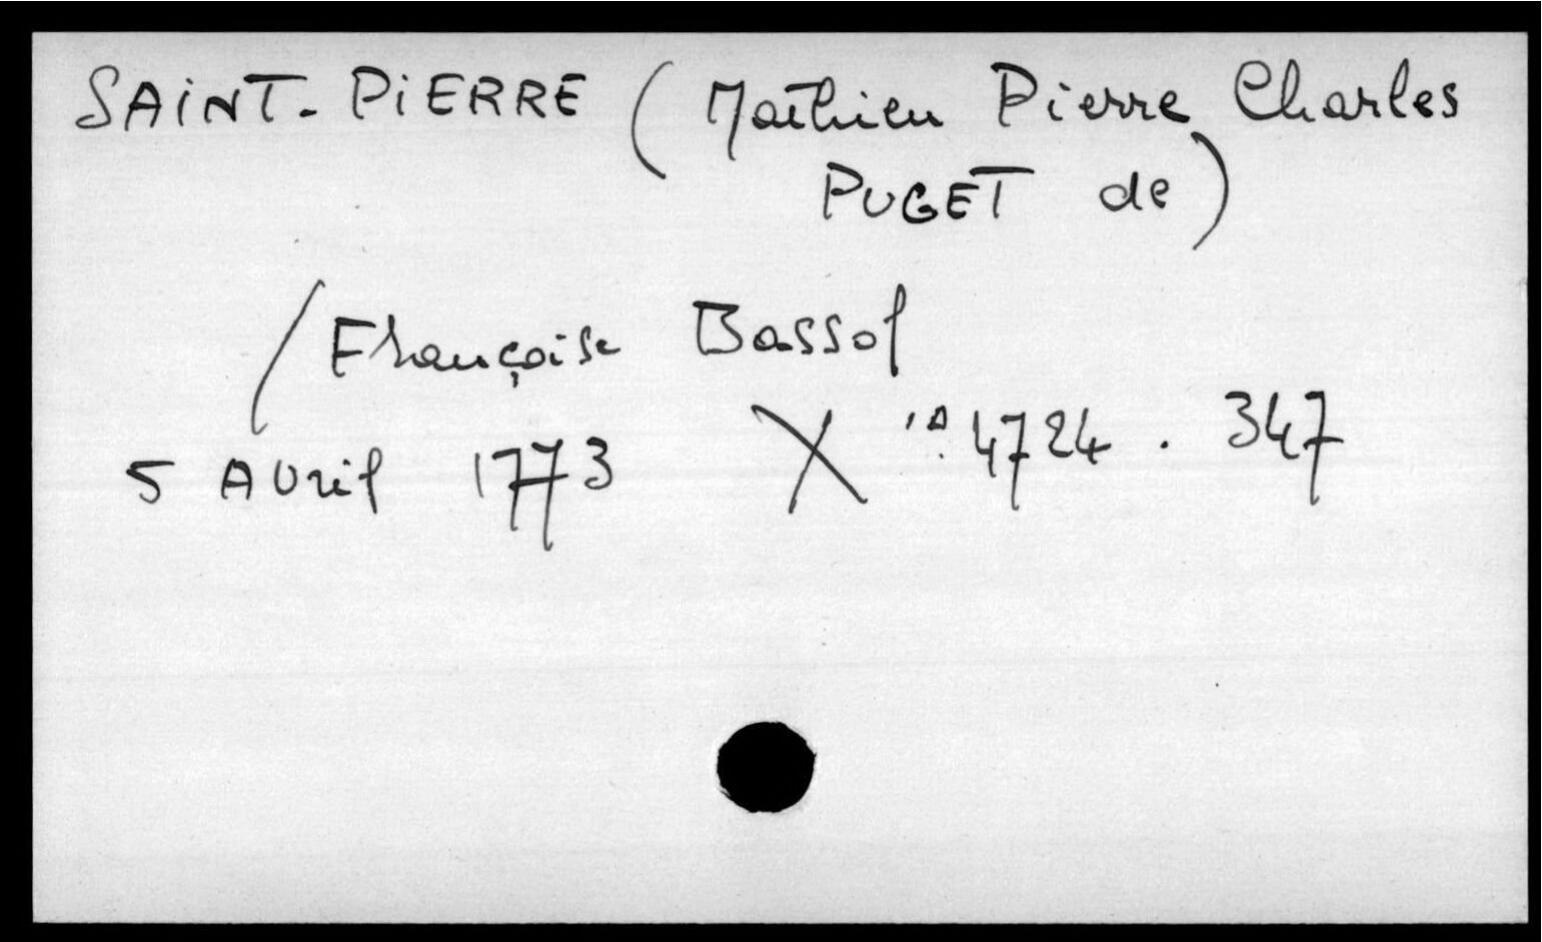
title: SAINT-PIERRE (Mathieu Pierre Charles PUGET de)
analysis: Contre Françoise Bassol
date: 5 avril 1773
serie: X1A
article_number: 4724
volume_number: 347
